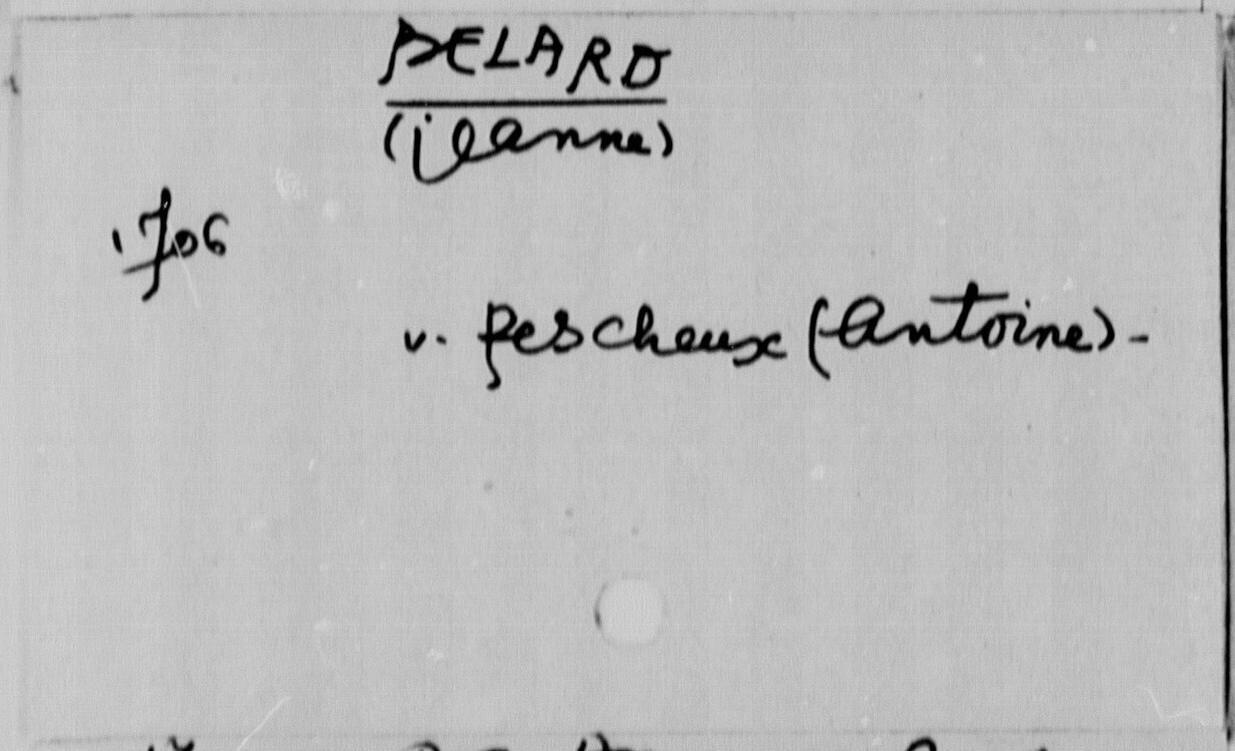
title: BELARD (Jeanne)
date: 1706
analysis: Voir PESCHEUX (Antoine)
